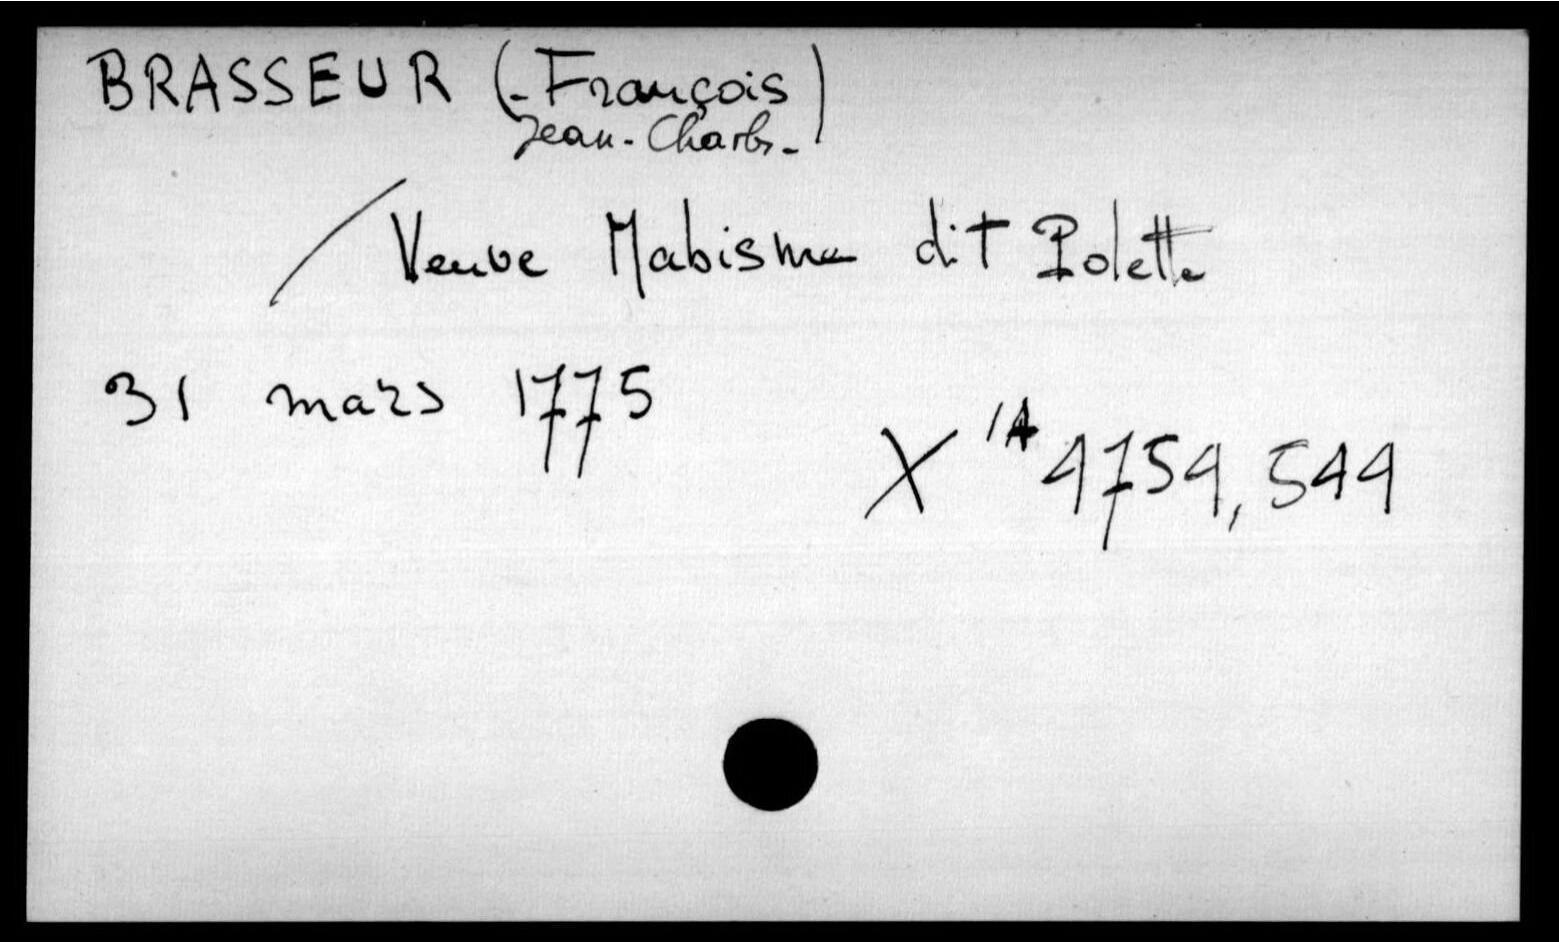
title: BRASSEUR (François)
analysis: Contre Veuve Mabisme dit Polette
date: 31 mars 1775
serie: X1A
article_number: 4754
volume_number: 544
